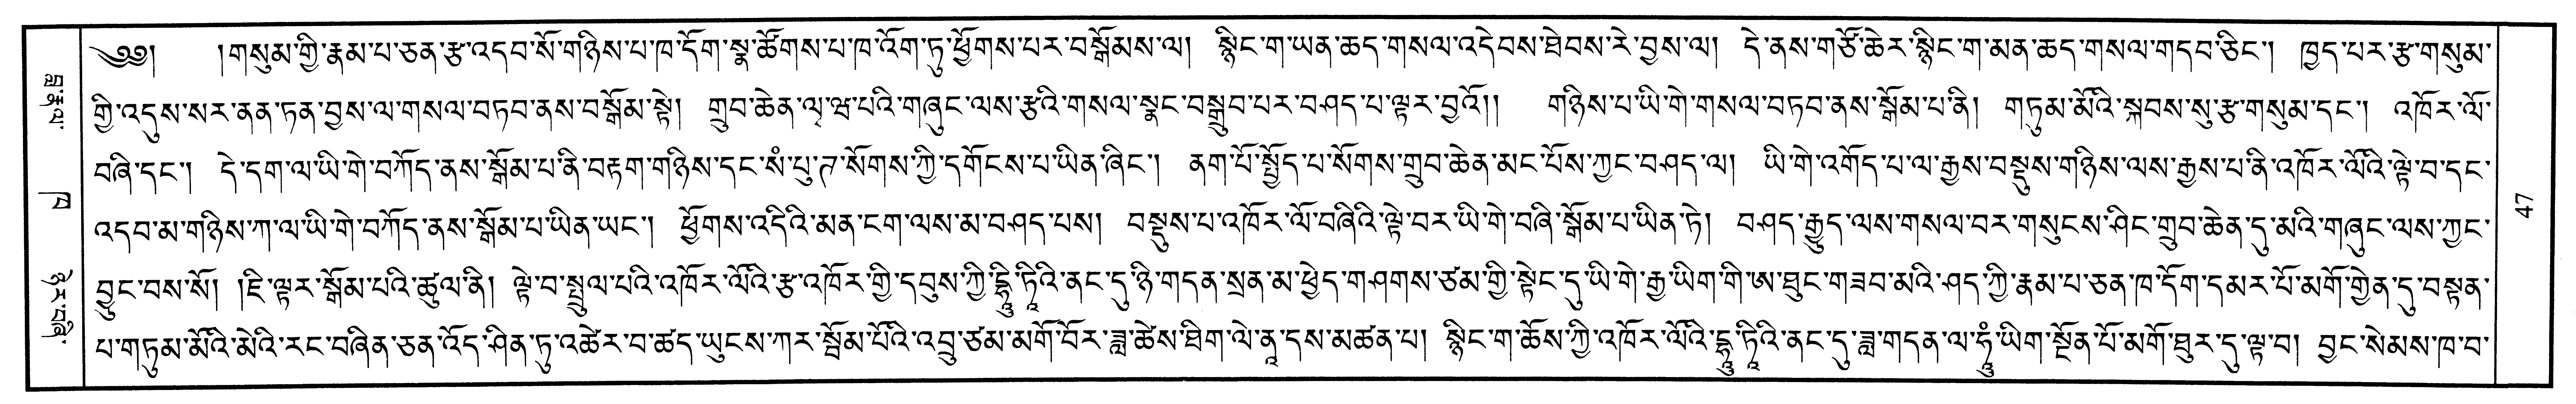༄༅། །གསུམ་གྱི་རྣམ་པ་ཅན་རྩ་འདབ་སོ་གཉིས་པ་ཁ་དོག་སྣ་ཚོགས་པ་ཁ་འོག་ཏུ་ཕྱོགས་པ་བསྒོམས་ལ། སྙིང་ག་ཡན་ཆད་གསལ་འདེབས་ཐེབས་རེ་བྱས་ལ། དེ་ནས་གཙོ་ཆེར་སྙིང་ག་མན་ཆད་གསལ་གདབ་ཅིང་། ཁྱད་པར་རྩ་གསུམ་
གྱི་འདུས་སར་ནན་ཏན་བྱས་ལ་གསལ་བཏབ་ནས་བསྒོམ་སྟེ། གྲུབ་ཆེན་ལྭ་ཝ་པའི་གཞུང་ལས་རྩའི་གསལ་སྣང་བསྒྲུབ་པར་བཤད་པ་ལྟར་བྱའོ། །གཉིས་པ་ཡི་གེ་གསལ་བཏབ་ནས་སྒོམ་པ་ནི། གཏུམ་མོའི་སྐབས་སུ་རྩ་གསུམ་དང་། འཁོར་ལོ་
བཞི་དང་། དེ་དག་ལ་ཡི་གེ་བཀོད་ནས་སྒོམ་པ་ནི་བརྟག་གཉིས་དང་སཾ་པུ་ཊ་སོགས་ཀྱི་དགོངས་པ་ཡིན་ཞིང་། ནག་པོ་སྤྱོད་པ་སོགས་གྲུབ་ཆེན་མང་པོས་ཀྱང་བཤད་ལ། ཡི་གེ་འགོད་པ་ལ་རྒྱས་བསྡུས་གཉིས་ལས་རྒྱས་པ་ནི་འཁོར་ལོའི་ལྟེ་བ་དང་
འདབ་མ་གཉིས་ཀ་ལ་ཡི་གེ་བཀོད་ནས་སྒོམ་པ་ཡིན་ཡང་། ཕྱོགས་འདིའི་མན་ངག་ལས་མ་བཤད་པས། བསྡུས་པ་འཁོར་ལོ་བཞིའི་ལྟེ་བར་ཡི་གེ་བཞི་སྒོམ་པ་ཡིན་ཏེ། བཤད་རྒྱུད་ལས་གསལ་བར་གསུངས་ཤིང་གྲུབ་ཆེན་དུ་མའི་གཞུང་ལས་ཀྱང་
བྱུང་བས་སོ། །ཇི་ལྟར་སྒོམ་པའི་ཚུལ་ནི། ལྟེ་བ་སྤྲུལ་པའི་འཁོར་ལོའི་རྩ་འཁོར་གྱི་དབུས་ཀྱི་དྷཱུ་ཏཱིའི་ནང་དུ་ཉི་གདན་སྲན་མ་ཕྱེད་གཤགས་ཙམ་གྱི་སྟེང་དུ་ཡི་གེ་རྒྱ་ཡིག་གི་ཨ་ཐུང་གཟབ་མའི་ཤད་ཀྱི་རྣམ་པ་ཅན་ཁ་དོག་དམར་པོ་མགོ་གྱེན་དུ་བསྟན་
པ་གཏུམ་མོའི་མེའི་རང་བཞིན་ཅན་འོད་ཤིན་ཏུ་འཚེར་བ་ཚད་ཡུངས་ཀར་སྦོམ་པོའི་འབྲུ་ཙམ་མགོ་བོར་ཟླ་ཚེས་ཐིག་ལེ་ནཱ་དས་མཚན་པ། སྙིང་ག་ཆོས་ཀྱི་འཁོར་ལོའི་དྷཱུ་ཏཱིའི་ནང་དུ་ཟླ་གདན་ལ་ཧཱུཾ་ཡིག་སྔོན་པོ་མགོ་ཐུར་དུ་ལྟ་བ། བྱང་སེམས་ཁ་བ་